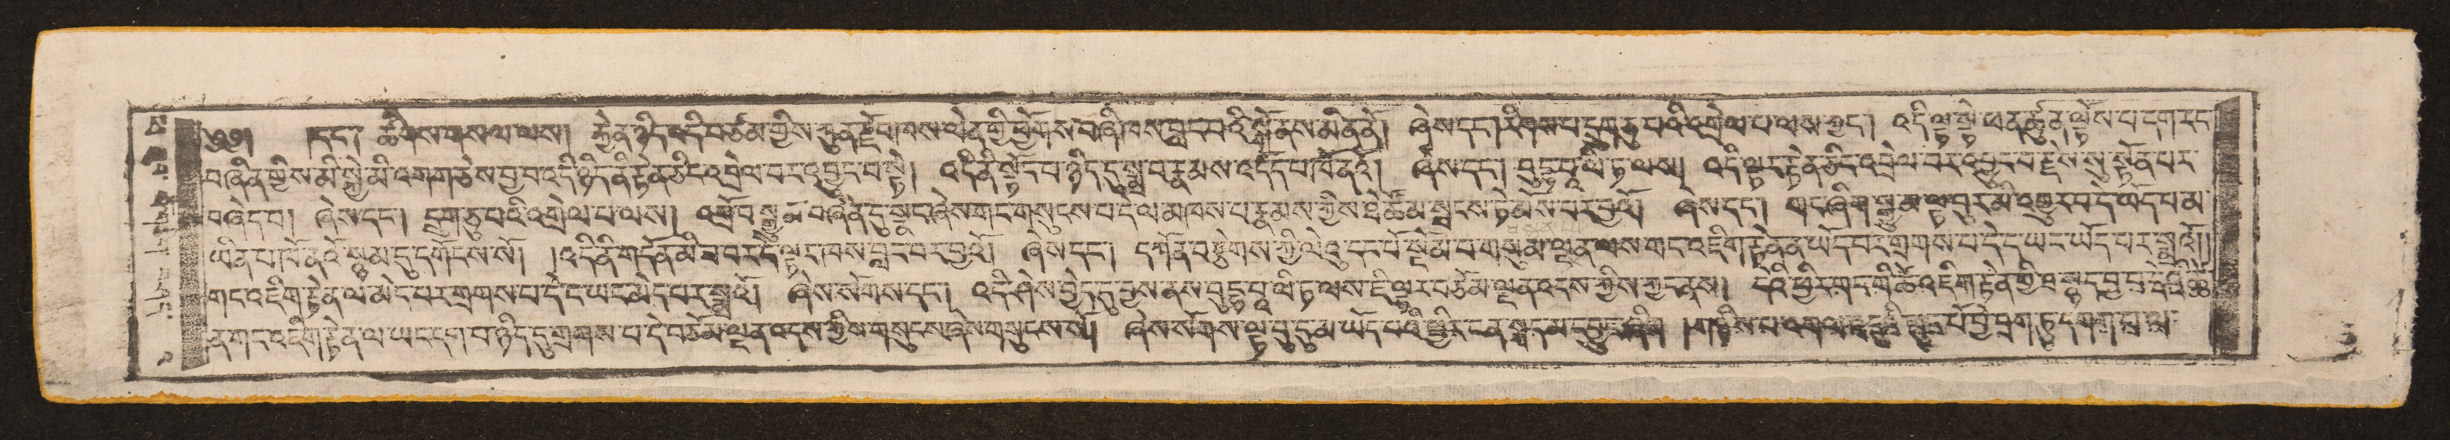༄༅། །དང་། ཚིགས་གསལ་ལས། རྐྱེན་ཉིད་འདི་བ་ཙམ་གྱིས་ཀུན་རྫོབ་ཁས་ལེན་གྱི་ཕྱོགས་བཞི་ཁས་བླང་བའི་སྒོ་ནས་མིན་ནོ། ཞེས་དང་། རིགས་པ་དྲུག་ཅུ་པའི་འགྲེལ་པ་ལས་ཀྱང་། འདི་ལྟ་སྟེ་ཕན་ཚུན་ལྟོས་པ་དག་རང་
བཞིན་གྱིས་མི་སྐྱེ་མི་འགག་ཅེས་བྱ་བ་འདི་ཉིད་ནི་རྟེན་ཅིང་འབྲེལ་བར་འབྱུང་བ་སྟེ། འདི་ནི་སྟོང་པ་ཉིད་དུ་སྨྲ་བ་རྣམས་འདོད་པ་ཁོ་ནའོ། ཞེས་དང་། བུདྷ་བཱ་ལི་ཏ་ལས། འདི་ལྟར་རྟེན་ཅིང་འབྲེལ་བར་འབྱུང་བ་རྗེས་སུ་སྟོན་པར་
བཞེད་པ། ཞེས་དང་། དྲུག་ཅུ་པའི་འགྲེལ་པ་ལས། འགྲོ་བ་སྒྱུ་མ་བཞིན་དུ་སྣང་ཞེས་གང་གསུངས་པ་དེ་ལ་མཁས་པ་རྣམས་ཀྱིས་ཐེ་ཚོམ་སྤངས་ཏེ་མོས་པར་བྱའོ། ཞེས་དང་། གང་ཞིག་སྒྱུ་མ་ལྟ་བུར་མི་འགྱུར་བ་དེ་ཡོད་པ་མ་
ཡིན་པ་ཁོ་ནའོ་སྙམ་དུ་དགོངས་སོ། །འདི་ནི་གདོན་མི་ཟ་བར་དེ་ལྟར་ཁས་བླང་བར་བྱའོ། ཞེས་དང་། དཀོན་བརྩེགས་ཀྱི་ལེའུ་དང་པོ་སྡོམ་པ་གསུམ་ལྡན་ལས་གང་འཇིག་རྟེན་ན་ཡོད་པར་གྲགས་པ་དེ་ང་ཡང་ཡོད་པར་སྨྲའོ།
གང་འཇིག་རྟེན་ལ་མེད་པར་གྲགས་པ་དེ་ད་ཡང་མེད་པར་སྨྲའོ། ཞེས་སོགས་དང་། འདི་ཤེས་བྱེད་དུ་བྱས་ནས་བུ་དྷ་པཱ་ལི་ཏ་ལས་ཇི་ལྟར་བཅོམ་ལྡན་འདས་ཀྱིས་ཀྱང་ནས། །དེའི་ཕྱིར་གང་གི་ཚེ་འཇིག་རྟེན་གྱི་ཐ་སྙད་བྱ་བ་དེའི་ཚེ་
ན་གང་འཇིག་རྟེན་ལ་ཡང་དག་པ་ཉིད་དུ་གྲགས་པ་དེ་བཅོམ་ལྡན་འདས་ཀྱིས་གསུངས་ཞེས་གསུངས་སོ། ཞེས་སོགས་ལྟ་བུ་དུ་མ་ཡོད་པའི་ཕྱིར་ངན་སྐད་མང་བྱུང་ཞིག །གཉིས་པ་འགལ་འདུའི་ཕུང་པོ་བྱེ་བྲག་ཏུ་དགག་པ་ལ་